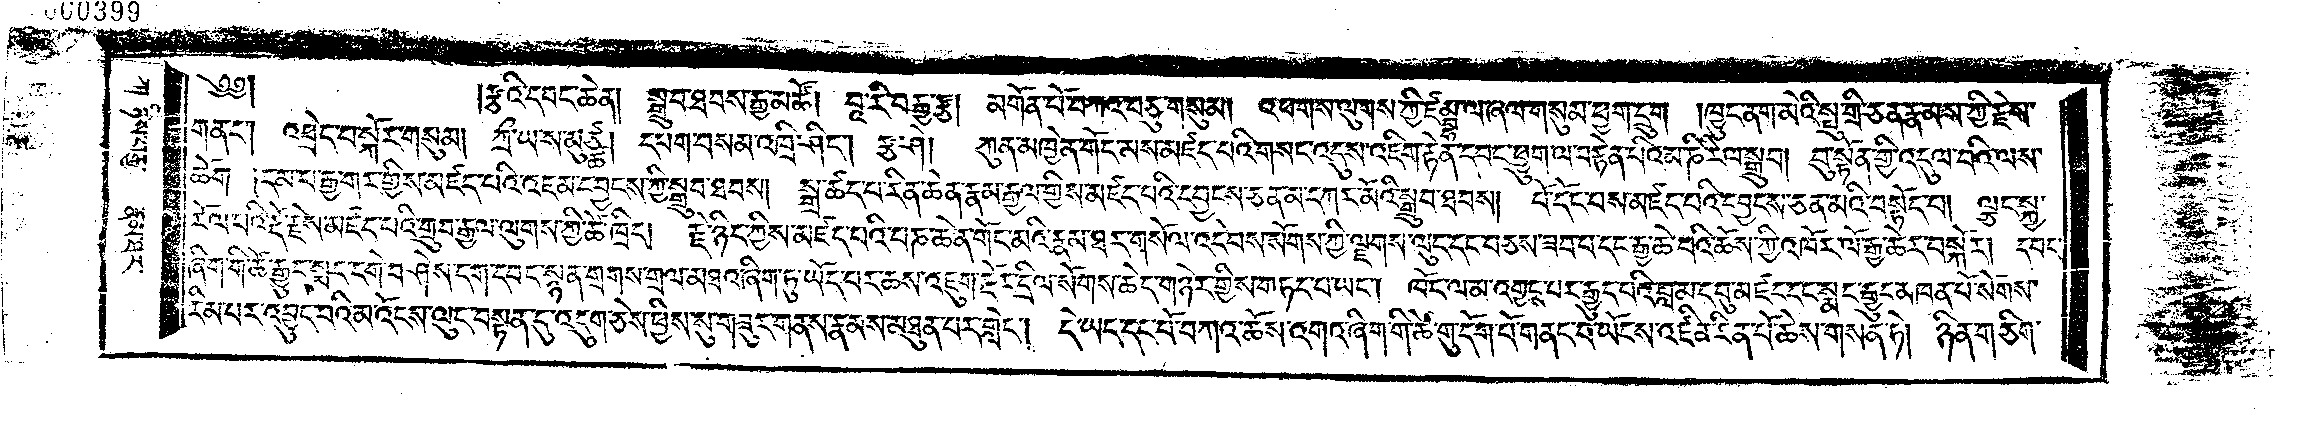༄༅། །རྩའི་དབང་ཆེན། སྒྲུབ་ཐབས་རྒྱ་མཚོ། བཱ་རི་བརྒྱ་རྩ། མགོན་པོ་བཀའ་བཅུ་གསུམ། འཕགས་ལུགས་ཀྱི་ཛམྦྷ་ལ་ཞལ་གསུམ་ཕྱག་དྲུག །ཁྱུང་ནག་མེའི་སྤུ་གྲི་ཅན་རྣམས་ཀྱི་རྗེས་
གནང་། འཕྲེང་བ་སྐོར་གསུམ། ཀྲྀ་ཡ་ས་མུཙྪ། དཔག་བསམ་འཁྲི་ཤིང་། རྩ་ཤེ། ཀུན་མཁྱེན་གོང་མས་མཛད་པའི་གསང་འདུས་འཇིག་རྟེན་དབང་ཕྱུག་ལ་བརྟེན་པའི་མ་ཎི་རིལ་སྒྲུབ། བུ་སྟོན་གྱི་འདུལ་བའི་ལས་
ཆོག ༑དམ་པ་རྒྱ་གར་གྱིས་མཛད་པའི་འཇམ་དབྱངས་ཀྱི་སྒྲུབ་ཐབས། སྒྲ་ཚད་པ་རིན་ཆེན་རྣམ་རྒྱལ་གྱིས་མཛད་པའི་དབྱངས་ཅན་མ་དཀར་མོའི་སྒྲུབ་ཐབས། བོ་དོང་བས་མཛད་པའི་དབྱངས་ཅན་མའི་བསྟོད་པ། ལྕང་སྐྱ་
རོལ་པའི་རྡོ་རྗེས་མཛད་པའི་གྲུབ་རྒྱལ་ལུགས་ཀྱི་ཚེ་ཁྲིད། རྗེ་ཉིད་ཀྱིས་མཛད་པའི་པཎ་ཆེན་གོང་མའི་རྣམ་ཐར་གསོལ་འདེབས་སོགས་ཀྱི་ལྗགས་ལུང་དང་བཅས་ཟབ་བ་དང་རྒྱ་ཆེ་བའི་ཆོས་ཀྱི་འཁོར་ལོ་རྒྱ་ཆེར་བསྐོར། དབང་
ཞིག་གི་ཚེ་རྒྱུད་སྨད་དགེ་བཤེས་ངག་དབང་སྙན་གྲགས་གྲལ་མཐའ་ཞིག་ཏུ་ཡོད་པར་ཆས་འཇུག་རྡོར་དྲིལ་སོགས་ཆེད་གཉེར་གྱིས་གཏད་པ་ཡང་། ཁོང་ལ་མ་འགྱངས་པར་རྒྱུད་པའི་བླ་མ་དབུ་མཛད་དང་སྨད་རྒྱུད་མཁན་པོ་སོགས་
རིམ་པར་འབྱུང་བའི་མ་འོངས་ལུང་བསྟན་དུ་འདུག་ཅེས་ཕྱིས་སུ་གཟུར་གནས་རྣམས་མཐུན་པར་གླེང་། དེ་ཡང་དང་པོ་བཀའ་ཆོས་འགའ་ཞིག་གི་ཚེ་གུ་དོག་པོ་གནང་བ་ཡོངས་འཛིན་རིན་པོ་ཆེས་གསན་ཏེ། ཉིན་གཅིག་